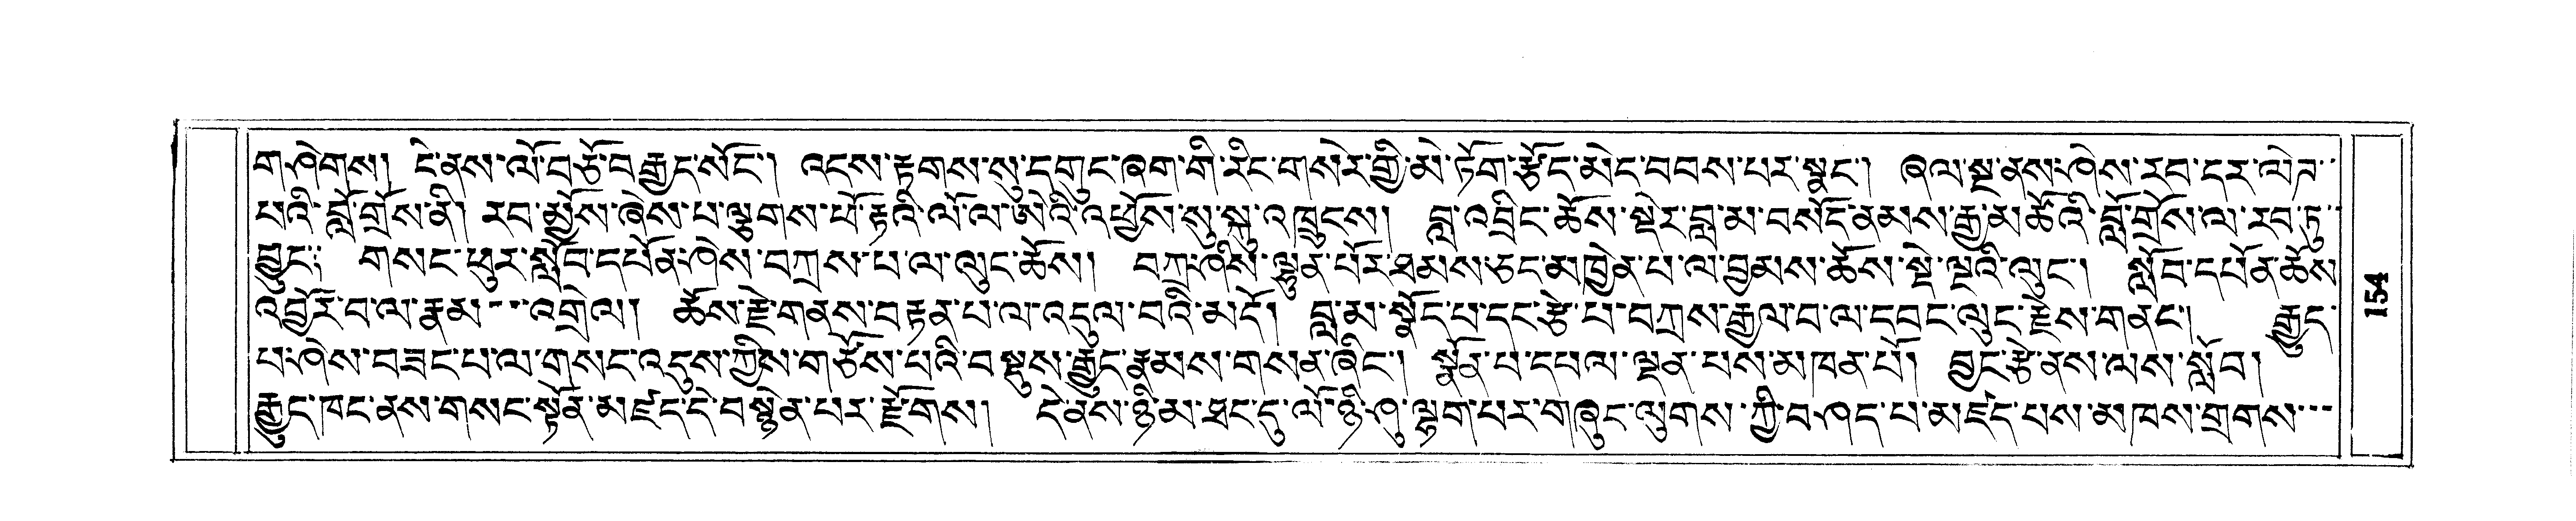གཤེགས། དེ་ནས་ལོ་བཅོ་བརྒྱད་སོང་། འདས་རྟགས་སུ་དགུང་ཞག་གི་རིང་གསེར་གྱི་མེ་ཏོག་རྩོད་མེད་བབས་པར་སྣང་། ཞལ་སྔ་ནས་ཤེས་རབ་དར་ལེཌ་
པའི་བློ་གྲོས་ནི། རབ་མྱོས་ཞེས་པ་ལྕགས་ཕོ་རྟའི་ལོ་ལ་ཨེའི་འཕྱོས་སུ་སྐུ་འཁྲུངས། བླ་འབྲིང་ཆོས་སྡེར་བླ་མ་བསོད་ནམས་རྒྱ་མཚོའི་བློ་གྲོས་ལ་རབ་ཏུ་
བྱུང༑ གསང་ཕུར་སློབ་དཔོན་ཤེས་བཀྲས་པ་ལ་ལུང་ཆོས། བཀྲ་ཤིས་ལྷུན་པོར་ཐམས་ཅད་མཁྱེན་པ་ལ་བྱམས་ཆོས་སྡེ་ལྔའི་ལུང་། སློབ་དཔོན་ཆོས་
འབྱོར་བ་ལ་རྣམ་འགྲེལ། ཆོས་རྗེ་གནས་བརྟན་པ་ལ་འདུལ་བའི་མདོ། བླ་མ་སྣོད་པ་དང་རྩེ་པ་བཀྲས་རྒྱལ་བ་ལ་དབང་ལུང་རྗེས་གནང་། རྒྱུད་
པ་ཤེས་བཟང་པ་ལ་གསང་འདུས་ཀྱིས་གཙོས་པའི་བསྡུས་རྒྱུད་རྣམས་གསན་ཞིང་། སྣོན་པ་དཔལ་ལྡན་པས་མཁན་པོ། བྱང་རྩེ་ནས་ལས་སློབ།
རྒྱུད་ཁང་ནས་གསང་སྟོན་མཛད་དེ་བསྙེན་པར་རྫོགས། དེ་ནས་ཉི་མ་ཐང་དུ་ལོ་ཉི་ཤུ་ལྷག་པར་གཞུང་ལུགས་ཀྱི་བཤད་པ་མཛད་པས་མཁས་གྲགས་